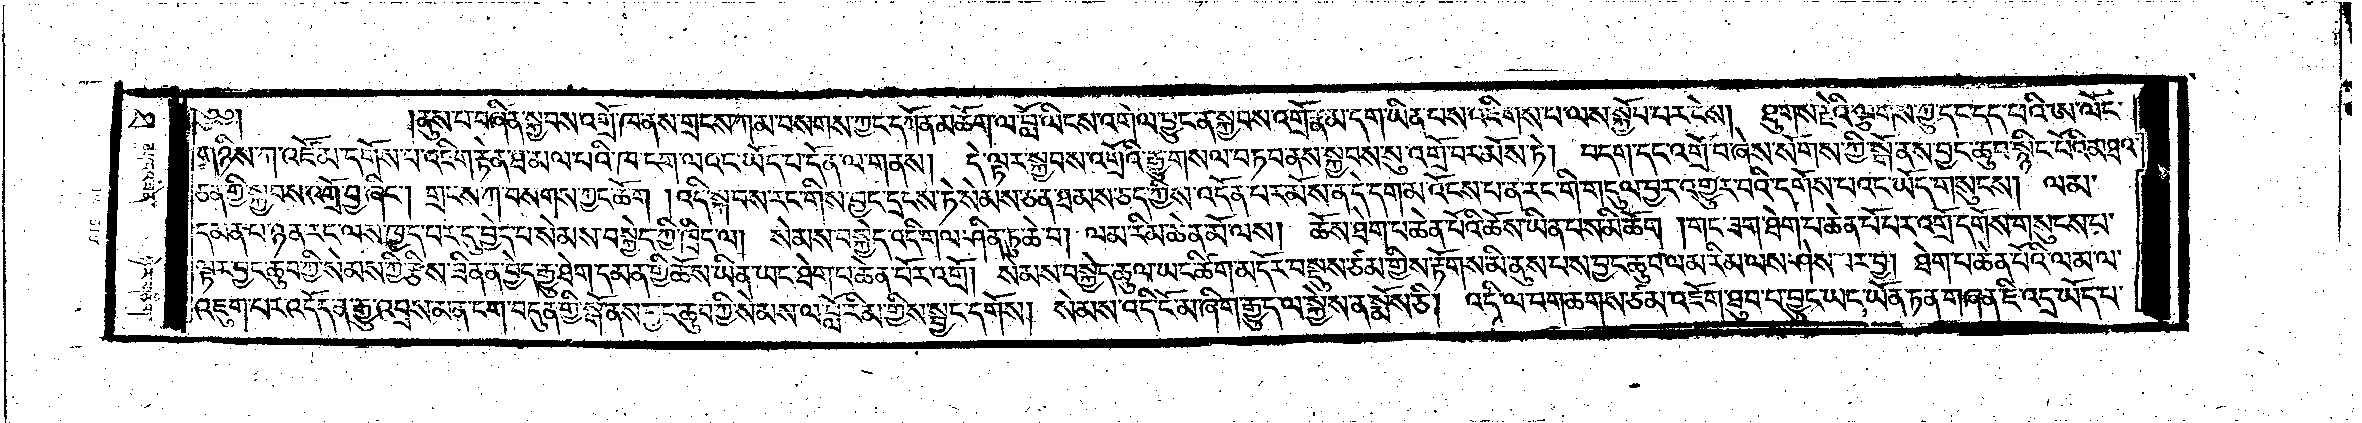༄༅། །ནུས་པ་བཞིན་སྐྱབས་འགྲོ་ཁ་ནས་གྲངས་ཀ་མ་བསགས་ཀྱང་དཀོན་མཆོག་ལ་བློ་ལིངས་འགེལ་བྱུང་ན་སྐྱབས་འགྲོ་རྣམ་དག་ཡིན་པས་འཇིགས་པ་ལས་སྐྱོབ་པར་ངེས། ཐུགས་རྗེའི་ལྕགས་ཀྱུ་ངང་དང་པའི་ཨ་ལོང་
གཉིས་ཀ་འཛོམ་དགོས་པ་འཇིག་རྟེན་ཐ་མལ་པའི་ཁ་ངག་ལའང་ཡོད་པ་དོན་ལ་གནས། དེ་ལྟར་སྐྱབས་འགྲོའི་རྒྱུ་གསལ་བཏབ་ནས་སྐྱབས་སུ་འགྲོ་བར་མོས་ཏེ། བདག་དང་འགྲོ་བ་ཞེས་སོགས་ཀྱི་སྒོ་ནས་བྱང་ཆུབ་སྙིང་པོའི་མཐའ་
ཅན་གྱི་སྐྱབས་འགྲོ་བྱ་ཞིང་། གྲངས་ཀ་བསགས་ཀྱང་ཆོག །འདི་སྐབས་རང་གིས་བྱང་དྲངས་ཏེ་སེམས་ཅན་ཐམས་ཅད་ཀྱིས་འདོན་པར་མོས་ན་དེ་དག་མ་འོངས་པ་ན་རང་གི་གདུལ་བྱར་འགྱུར་པའི་དགོས་པའང་ཡོད་གསུངས། ལམ་
དམན་པ་ཉན་རང་ལས་ཁྱད་པར་དུ་བྱེད་པ་སེམས་བསྐྱེད་ཀྱི་ཁྲིད་ལ། སེམས་བསྐྱེད་འདི་གལ་ཤིན་ཏུ་ཆེ་བ། ལམ་རིམ་ཆེན་མོ་ལས། ཆོས་ཐེག་པ་ཆེན་པོའི་ཆོས་ཡིན་པས་མི་ཆོག །གང་ཟག་ཐེག་པ་ཆེན་པོ་བར་འགྲོ་དགོས་གསུངས་པ་
ལྟར་བྱང་ཆུབ་ཀྱི་སེམས་ཀྱི་རྩིས་ཟིན་ན་བྱེད་རྒྱུ་ཐེག་དམན་གྱི་ཆོས་ཡིན་ཡང་ཐེག་པ་ཆེན་པོར་འགྲོ། སེམས་བསྐྱེད་ཚུལ་ཡང་ཚིག་མདོར་བསྡུས་ཙམ་གྱིས་རྟོགས་མི་ནུས་པས་བྱང་ཆུབ་ལམ་རིམ་ལས་ཤེས་པར་བྱ། ཐེག་པ་ཆེན་པོའི་ལམ་ལ་
འཇུག་པར་འདོད་ན་རྒྱུ་འབྲས་མན་ངག་བདུན་གྱི་སྒོ་ནས་བྱང་ཆུབ་ཀྱི་སེམས་ལ་བློ་རིམ་གྱིས་སྦྱང་དགོས། སེམས་འདི་ངོ་མ་ཞིག་རྒྱུད་ལ་སྐྱེས་ན་སྨོས་ཅི། འདི་ལ་བག་ཆགས་ཙམ་འཇོག་ཐུབ་པ་བྱུང་ཡང་ཡོན་ཏན་གཞན་ཇི་འདྲ་ཡོད་པ་